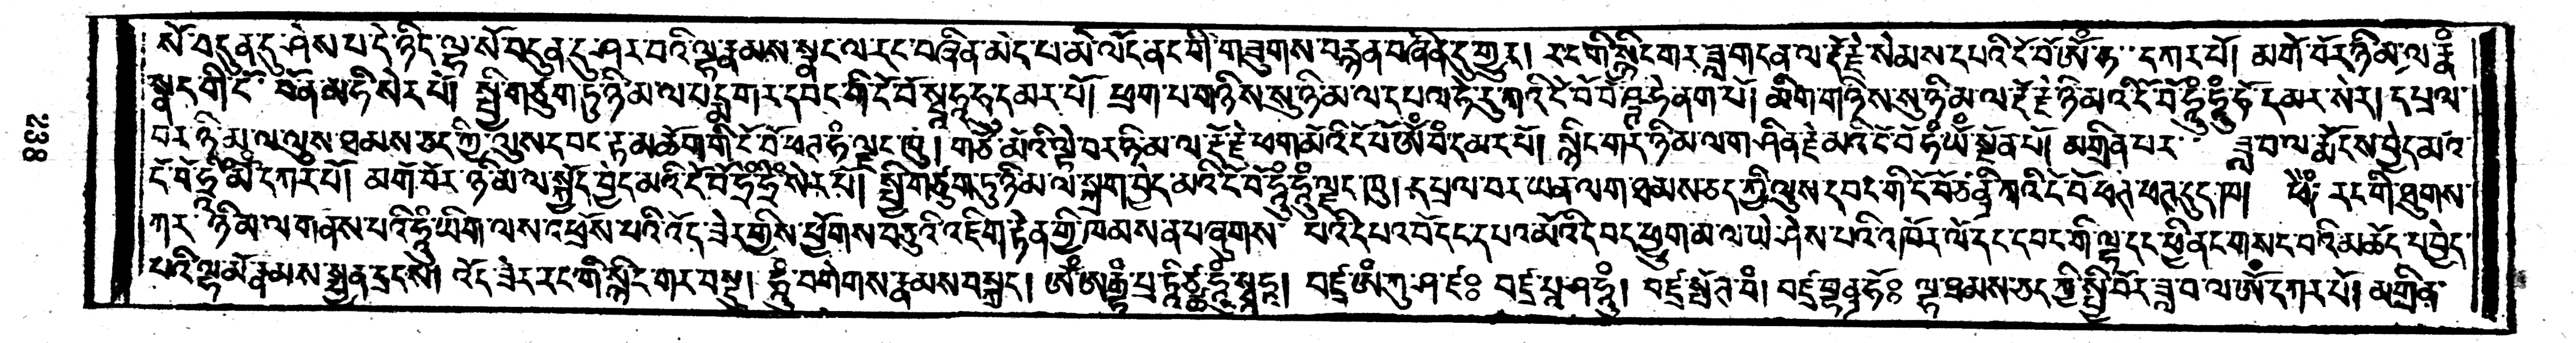སོ་བདུན་དུ་ཤེས་པ་དེ་ཉིད་ལྷ་སོ་བདུན་དུ་ཤར་བའི་ལྷ་རྣམས་སྣང་ལ་རང་བཞིན་མེད་པ་མེ་ལོང་ནང་གི་གཟུགས་བརྙན་བཞིན་དུ་གྱུར། རང་གི་སྙིང་གར་ཟླ་གདན་ལ་རྡོ་རྗེ་སེམས་དཔའི་ངོ་བོ་ཨོཾ་ཧ་དཀར་པོ། མགོ་བོར་ཉི་མ་ལ་རྣཾ་
སྣང་གི་ངོ་བོ་ན་མ་ཧི་སེར་པོ། སྤྱི་གཙུག་ཏུ་ཉི་མ་ལ་པདམ་གར་དབང་གི་ངོ་བོ་སྭཱཧཱ་ཧུ་དམར་པོ། ཕྲག་པ་གཉིས་སུ་ཉི་མ་ལ་དཔལ་ཧེ་རུ་ཀའི་ངོ་བོ་བོ་ཥྚ་ཧེ་ནག་པོ། མིག་གཉིས་སུ་ཉི་མ་ལ་རྡོ་རྗེ་ཉི་མའི་ངོ་བོ་ཧཱུཾ་ཧཱུཾ་ཧོ་དམར་སེར། དཔྲལ་
བར་ཉི་མ་ལ་ལུས་ཐམས་ཅད་ཀྱི་ལུས་དབང་རྟ་མཆོག་གི་ངོ་བོ་ཕཊ་ཧཾ་ལྗང་ཁུ། གཙོ་མོའི་ལྟེ་བར་ཉི་མ་ལ་རྡོ་རྗེ་ཕག་མོའི་ངོ་བོ་ཨོཾ་བཾ་དམར་པོ། སྙིང་གར་ཉི་མ་ལ་གཤིན་རྗེ་མའི་ངོ་བོ་ཧཾ་ཡོཾ་སྔོན་པོ། མགྲིན་པར་ཟླ་བ་ལ་རྨོངས་བྱེད་མའི་
ངོ་བོ་ཧྲཱིཾ་མོཾ་དཀར་པོ། མགོ་བོར་ཉི་མ་ལ་སྐྱོད་བྱེད་མའི་ངོ་བོ་ཧྲེཾ་ཧྲིཾ་སེར་པོ། སྤྱི་གཙུག་ཏུ་ཉི་མ་ལ་སྐྲག་བྱེད་མའི་ངོ་བོ་ཧཱུཾ་ཧཱུཾ་ལྗང་ཁུ། དཔྲལ་བར་ཡན་ལག་ཐམས་ཅད་ཀྱི་ལུས་དབང་གི་ངོ་བོ་ཙ་ནྜི་ཀའི་ངོ་བོ་ཕཊ་ཕཊ་དུད་ཁ། ཕཻཾ༑ རང་གི་ཐུགས་
ཀར་ཉི་མ་ལ་གནས་པའི་ཧཱུཾ་ཡིག་ལས་འཕྲོས་པའི་འོད་ཟེར་གྱིས་ཕྱོགས་བཅུའི་འཇིག་རྟེན་གྱི་ཁམས་ན་བཞུགས་པའི་དཔའ་བོ་དང་དཔའ་མོའི་དབང་ཕྱུག་མ་ལ་ཡེ་ཤེས་པའི་འཁོར་ལོ་དང་དབང་གི་ལྷ་དང་ཕྱི་ནང་གསང་བའི་མཆོད་པ་བྱེད་
པའི་ལྷ་མོ་རྣམས་སྤྱན་དྲངས། འོད་ཟེར་རང་གི་སྙིང་གར་བསྡུ། ཧཱུཾ་བགེགས་རྣམས་བསྐྲད། ཨོཾ་ཨརྒྷཾ་པྲ་ཏཱིཙྪ་ཧཱུཾ་སྭཱཧཱ། བཛྲ་ཨཾ་ཀུ་ཤ་ཛཿ བཛྲ་པཱ་ཤ་ཧཱུཾ། བཛྲ་སྤོ་ཊ་བཾ། བཛྲ་བྷནྜ་ཧོཿ ལྷ་ཐམས་ཅད་ཀྱི་སྤྱི་བོར་ཟླ་བ་ལ་ཨོཾ་དཀར་པོ། མགྲིན་